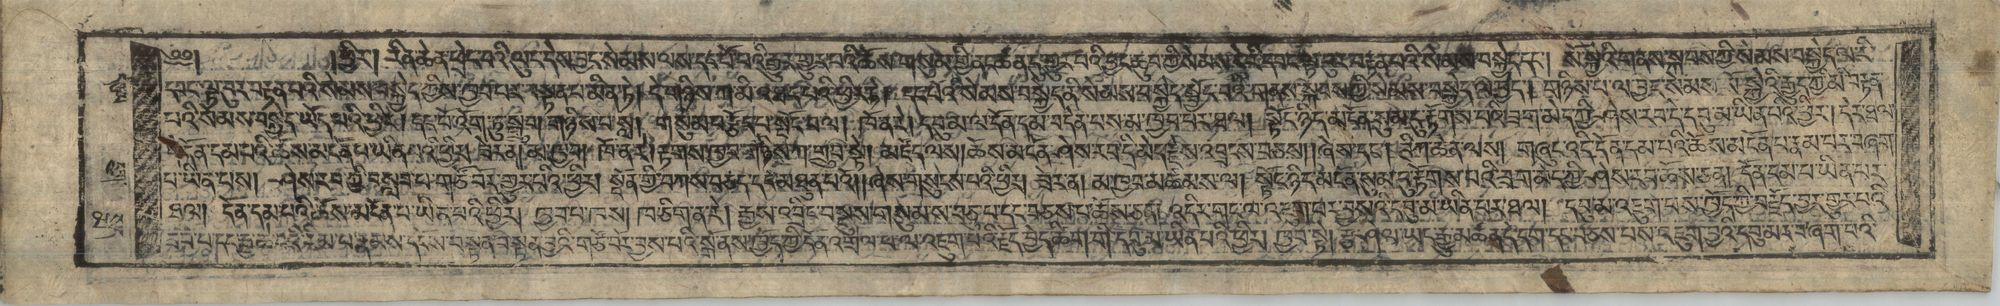༄༅། །ཕྱིར། རིན་ཆེན་ཕྲེང་བའི་ལུང་དེས་བྱང་སེམས་ལས་དང་པོ་བའི་རྒྱུར་གྱུར་བའི་ཆོས་གསུམ་གྱི་ནང་ཚན་དུ་གྱུར་པའི་བྱང་ཆུབ་ཀྱི་སེམས་དེ་རི་དབང་ལྟ་བུར་བརྟན་པའི་སེམས་བསྐྱེད་དང་། སོ་སྐྱེའི་གནས་སྐབས་ཀྱི་སེམས་བསྐྱེད་ལ་རི་
དབང་ལྟ་བུར་བརྟན་པའི་སེམས་བསྐྱེད་ཀྱིས་ཁྱབ་པར་བསྟན་པ་མིན་ཏེ། དེ་གཉིས་ཀ་མི་འཐད་པའི་ཕྱིར་ཏེ། དང་པོའི་སེམས་བསྐྱེད་ནི་སེམས་བསྐྱེད་སྦྱོང་བའི་གནས་སྐབས་ཀྱི་སེམས་བསྐྱེད་ལ་བྱེད། གཉིས་པ་ལ་བྱང་སེམས་སོ་སྐྱེའི་རྒྱུད་ཀྱི་མི་བརྟན་
པའི་སེམས་བསྐྱེད་ཡོད་པའི་ཕྱིར། དང་པོ་འོག་ཏུ་སྒྲུབ། གཉིས་པ་སླ། གསུམ་པ་རྩོད་པ་སྤོང་བ་ལ། ཁོ་ན་རེ། དབུ་མ་ལ་དོན་དམ་བདེན་པས་མ་ཁྱབ་པར་ཐལ། སྟོང་ཉིད་མངོན་སུམ་དུ་རྟོགས་པའི་ཟག་མེད་ཀྱི་ཤེས་རབ་དེ་དབུ་མ་ཡིན་པའི་ཕྱིར། དེར་ཐལ་
དེ་དོན་དམ་པའི་ཆོས་མངོན་པ་ཡིན་པའི་ཕྱིར། ཟེར་ན། མ་ཁྱབ། ཁོ་ན་རེ། རྟགས་ཁྱབ་གཉིས་ཀ་གྲུབ་སྟེ། མཛོད་ལས། ཆོས་མངོན་ཤེས་རབ་དྲི་མེད་རྗེས་འབྲངས་བཅས། །ཞེས་དང་། ཊིཀ་ཆེན་ལས། གཞུང་འདི་དོན་དམ་པའི་ཆོས་མངོན་པ་རྣམ་པར་བཞག་
པ་ཡིན་པས། ཤེས་རབ་ཀྱི་བསླབ་པ་གཙོ་བོར་གྱུར་པའི་ཕྱིར། སྔོན་གྱི་བཀས་བཅད་དང་མཐུན་པའོ། །ཞེས་གསུངས་པའི་ཕྱིར། ཟེར་ན། མ་ཁྱབ་མཚམས་ལ། སྟོང་ཉིད་མངོན་སུམ་དུ་རྟོགས་པའི་ཟག་མེད་ཀྱི་ཤེས་རབ་ཆོས་ཅན། དོན་དམ་པ་ཡིན་པར་
ཐལ། དོན་དམ་པའི་ཆོས་མངོན་པ་ཡིན་པའི་ཕྱིར། ཁྱབ་པ་ཁས། ཁ་ཅིག་ན་རེ། རྒྱས་འབྲིང་བསྡུས་གསུམ་ས་བཅུ་པ་དང་བཅས་པ་ཆོས་ཅན། འདིར་གང་ལ་འཇུག་པར་བྱ་བའི་དབུ་མ་ཡིན་པར་ཐལ། དབུ་མ་འཇུག་པས་ཁྱོད་ཀྱི་བརྗོད་བྱར་གྱུར་པའི་
ཟབ་པ་དང་རྒྱ་ཆེ་བའི་རིམ་པ་རྣམས་དངོས་བསྟན་བསྟན་བྱའི་གཙོ་བོར་བྱས་པའི་སྒོ་ནས་ཁྱོད་ཀྱི་དོན་འགྲེལ་པ་ལ་འཇུག་པའི་རྗོད་བྱེད་ཚིག་གི་དབུ་མ་ཡིན་པའི་ཕྱིར། ཁྱབ་སྟེ། རྩ་ཤེལ་ཡང་རྒྱུ་མཚན་དེ་དག་དང་བཅས་པས་འཇུག་བྱའི་དབུ་མར་བཞག་པའི་